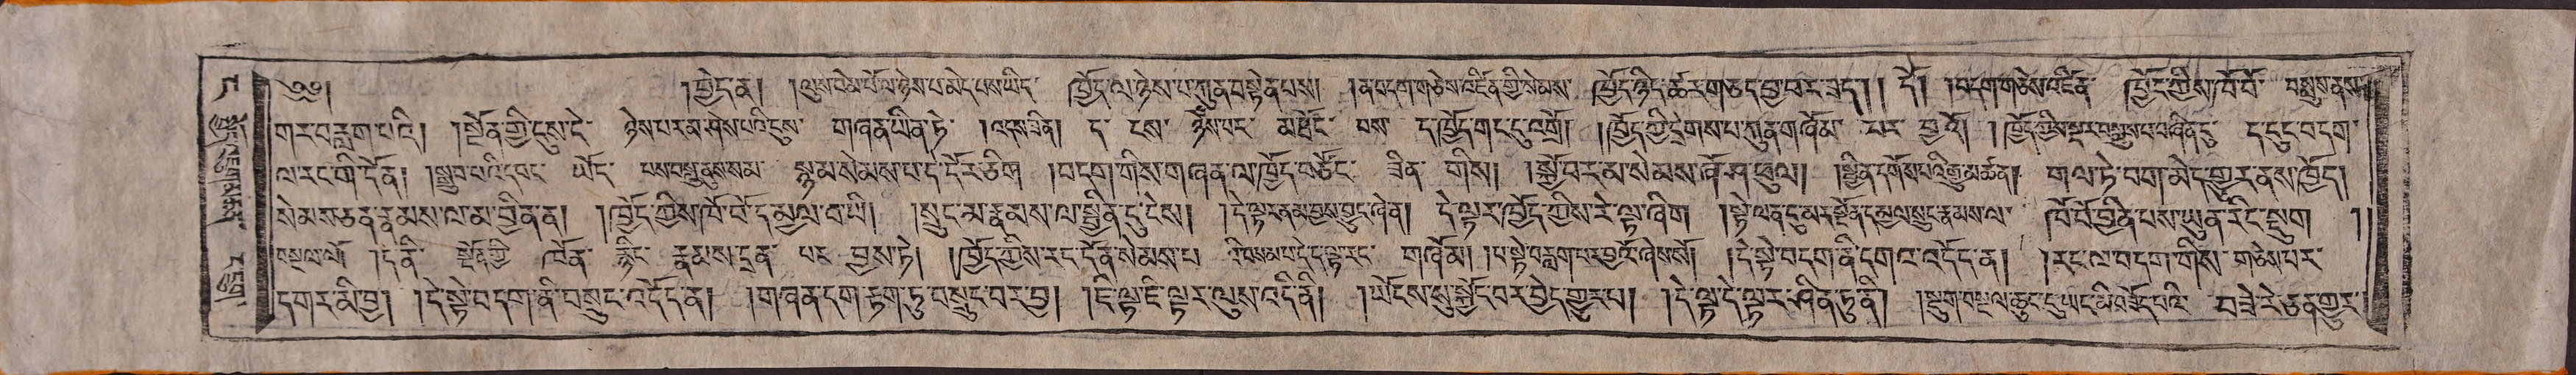༄༅། །བྱེད་ན། །ལུས་བེམ་པོ་ལ་ཉེས་པ་མེད་པས་ཡིད་ཁྱོད་ལ་ཉེས་པ་ཀུན་བསྟེན་པས། །ན་བདག་གཅེས་འཛིན་གྱི་སེམས་ཁྱོད་ཉིད་ཚར་གཅད་བྱ་བར་ཟད༑ །དོ། །བདག་གཅེས་འཛིན་ཁྱོད་ཀྱིས་ཁོ་བོ་བསྡུས་ནས
གར་བརླག་པའི། །སྔོན་གྱི་དུས་དེ་ཉེས་པར་མ་ཤེས་པའི་དུས་གཞན་ཡིན་ཏེ། །འདས་ཟིན། ད་ངས་ཉེས་པར་མཐོང་བས་ད་ཁྱོད་གང་དུ་འགྲོ། །ཁྱོད་ཀྱི་དྲེགས་པ་ཀུན་གཞོམ་པར་བྱའོ། །ཁྱོད་ཀྱིས་སྔར་བསླུས་པ་བཞིན་དུ་ད་དུང་བདག་
ལ་རང་གི་དོན། །སྒྲུབ་པའི་དབང་ཡོད་པས་བསླུ་ནུས་སམ་སྙམ་སེམས་པ་དེ་དོར་ཅིག །བདག་གིས་གཞན་ལ་ཁྱོད་བཙོང་ཟིན་གིས། །སྐྱོ་བར་མ་སེམས་ཞོ་ཤ་ཕུལ། །སྦྱིན་དགོས་པའི་རྒྱུ་མཚན།  གལ་ཏེ་བག་མེད་གྱུར་ནས་ཁྱོད། །
སེམས་ཅན་རྣམས་ལ་མ་བྱིན་ན། །ཁྱོད་ཀྱིས་ཁོ་བོ་དམྱལ་བ་ཡི། །སྲུང་མ་རྣམས་ལ་སྦྱིན་དུ་ངེས། །དེ་ལྟར་ནམ་བྱས་བྱུང་ཞེ་ན།  དེ་ལྟར་ཁྱོད་ཀྱིས་རེ་ལྟ་ཞིག་།སྟེ་ལན་དུ་མར་སྔོན་དམྱལ་སྲུང་རྣམས་ལ་ཁོ་བོ་བྱིན་པས་ཡུན་རིང་སྡུག །
བསྔལ་ལོ།  །ད་ནི་སྔོན་གྱི་ཁོན་རྙིད་རྣམས་དྲན་པར་བྱས་ཏེ། །ཁྱོད་ཀྱིས་རང་དོན་སེམས་པའི་བསམ་པ་དེ་ད་ལྟ་རང་གཞོམ། །པ་སྟེ་བརླག་པར་བྱའོ་ཞེས་སོ།  །དེ་སྟེ་བདག་ནི་དགའ་འདོད་ན། །རང་ལ་བདག་གིས་གཅེས་པར
དགར་མི་བྱ། །དེ་སྟེ་བདག་ནི་བསྲུང་འདོད་ན། །གཞན་དག་རྟག་ཏུ་བསྲུང་བར་བྱ། །ཇི་ལྟ་ཇི་ལྟར་ལུས་འདི་ནི། །ཡོངས་སུ་སྐྱོང་བར་བྱེད་གྱུར་པ། །དེ་ལྟ་དེ་ལྟར་ཤིན་ཏུ་ནི། །སྡུག་བསྔལ་ཆུང་དུ་ཡང་མི་བཟོད་པའི་བཟེ་རེ་ཅན་གྱུར་